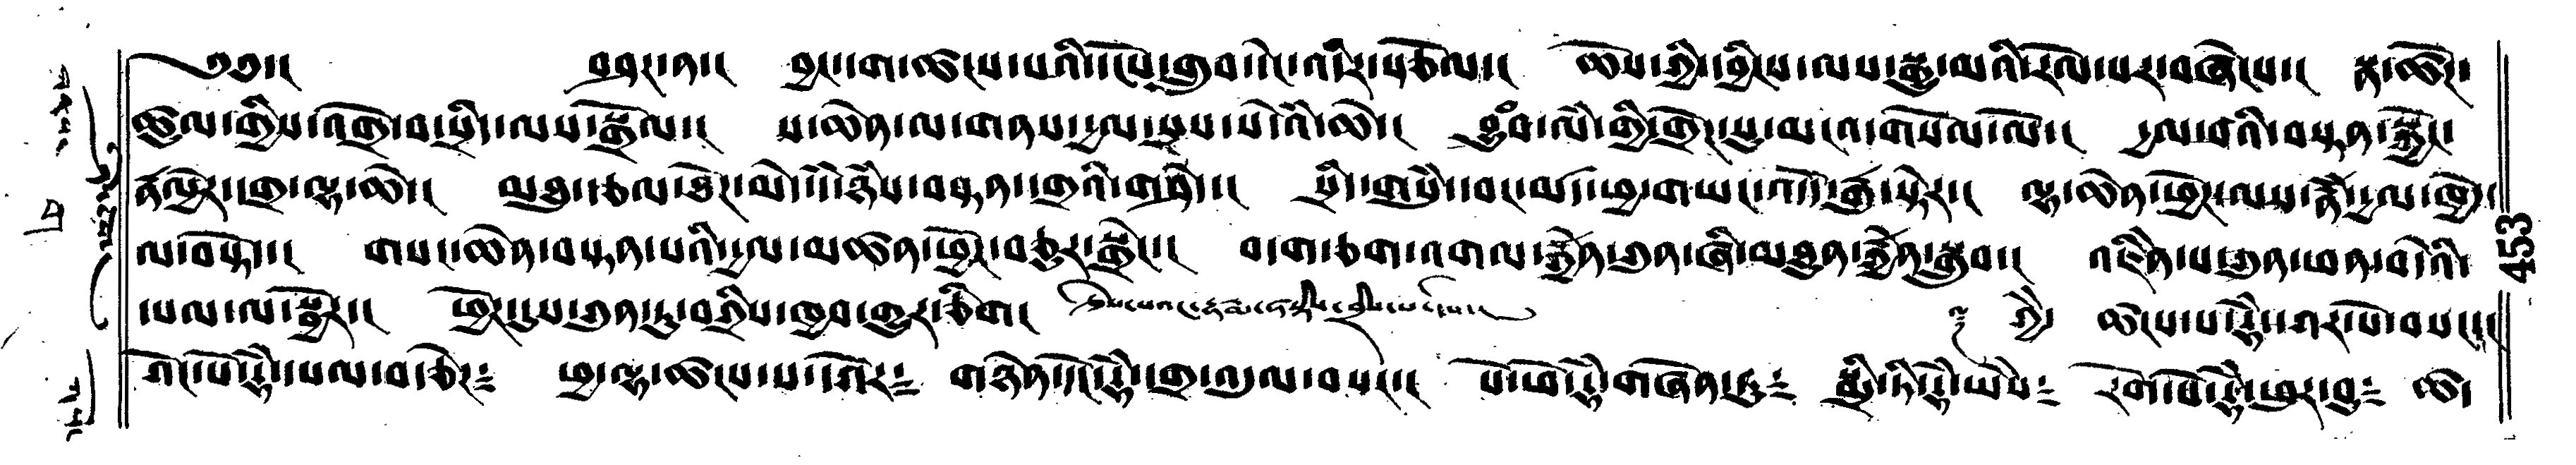བཤགས་ན། །བྱང་དག་ཚངས་པའི་དངོས་གྲུབ་དེང་འདིར་སྩོལ། །ཆོས་ཀྱི་དབྱིངས་ལས་སྒྱུ་མའི་རོལ་པར་བཞེངས། །སྣ་ཚོགས་
ཚུལ་གྱིས་འགྲོ་བ་སྲིད་ལས་སྒྲོལ། །ས་ཆེན་ལ་གནས་རྒྱལ་སྲས་སེམས་དཔའ་ཆེ། །བྱང་ཆུབ་ལམ་གྱི་གྲོགས་སུ་མངའ་གསོལ་ལོ། །རྒྱལ་བའི་བསྟན་སྐྱོང་
རྣལ་འབྱོར་དགྲ་ལྷ་ཆེ། །མཐུ་རྩལ་ཐོགས་མེད་དམ་ཉམས་བསྟན་དགྲའི་གཤེད། །སྲིད་གསུམ་དབང་མཛད་ཕྱ་གཡང་འདོད་རྒུའི་སྟེར།ལྷ་ཆེན་ཕྱོགས་ལས་རྣམ་རྒྱལ་ཁྱོད་
ལ་བསྟོད། །གསང་ཆེན་བསྟན་པའི་རྒྱལ་མཚན་ཕྱོགས་བཅུར་སྒྲེང་། །བདག་ཅག་འགལ་རྐྱེན་ཀུན་ཞི་མཐུན་རྐྱེན་སྒྲུབས། །འཇིག་རྟེན་པ་ཀུན་ཕན་བདེའི་
དཔལ་ལ་སྦྱོར། །ཕྱོགས་དུས་ཀུན་ཏུ་བཀྲ་ཤིས་ཁྱབ་གྱུར་ཅིག ཅེས་པའང་དྷརྨ་ཧསྟིས་བྲིས་པ་དགེ། ༈ ཀྱཻ། ཚངས་པ་རྡོ་རྗེ་དཀར་པོ་བསང་། །
ཀོང་པོ་རྡོ་རྗེ་དཔལ་བརྩེགས༴ ཕྱྭ་ལྷ་ཚངས་པ་དཀར་པོ༴ གཉེན་དོང་རྡོ་རྗེ་དགྲ་འདུལ་བསང་། །པོ་ཕོ་རྡོ་རྗེ་གཞོན་ནུ༴ སྨྲི་ཏི་རྡོ་རྗེ་ཡེ་ཤེས༴ རོག་པོ་རྡོ་རྗེ་ཕུར་བུ༴ ཚ་